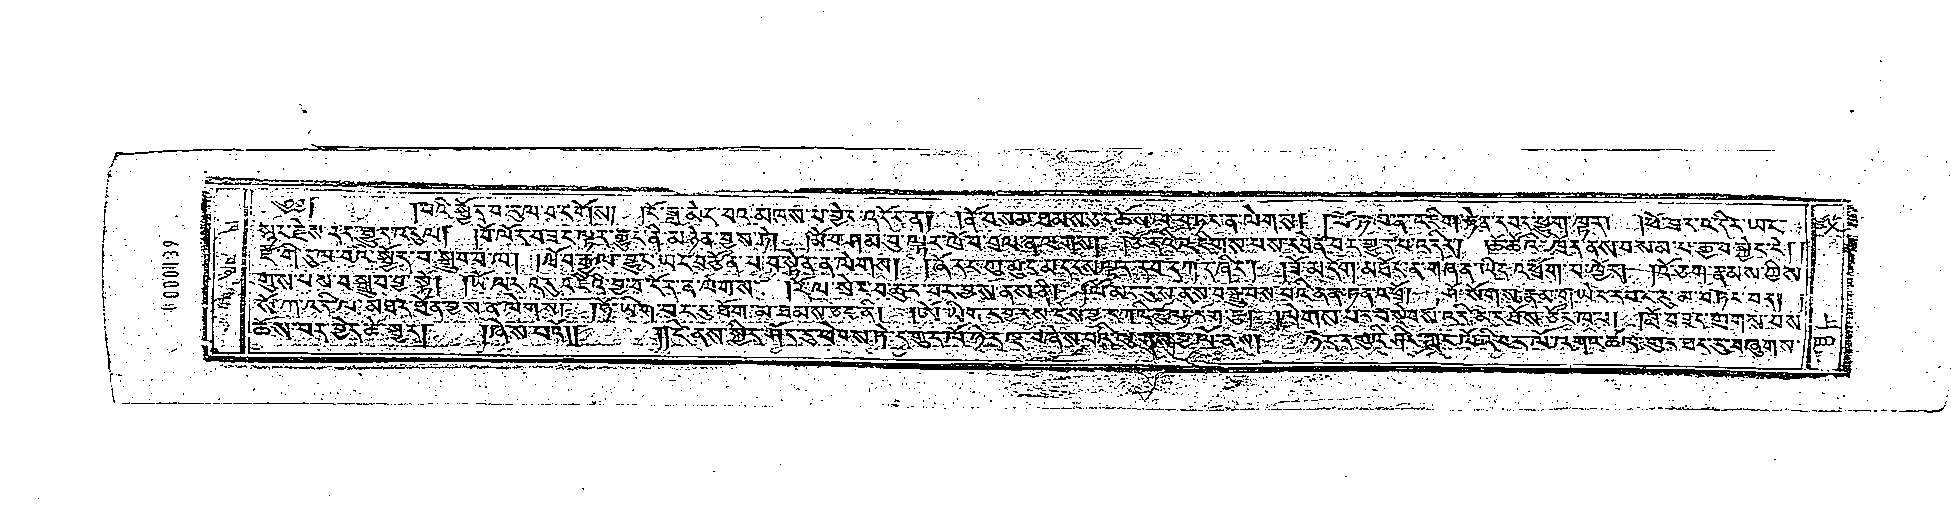༄༅། བའི་སྤྱོད་བ་དུལ་བ་དགོས། །དོ་ཟླ་མེད་པའི་མཁས་པ་བྱེད་འདོད་ན། །ནོ་བསམ་ཐམས་ཅད་ཆོས་ལ་བཏང་ན་ལེགས། །ལོ་ཏ་ལ་ན་འཇིག་རྟེན་དབང་ཕྱུག་ལྟར། །ཕོ་བྲང་འདིར་ཡང་
སྙིང་རྗེས་རང་རྒྱུད་འདུལ། །བོ་ལོང་བཟང་ལྟར་རྒྱུད་ནི་མཉེན་བྱས་ཏེ། །མོ་བ་ཤམ་བུ་ལྟར་ཁྲོ་བ་བྲལ་ན་ལེགས། །ཙོ་རའི་འཇིགས་པས་དབེན་པར་གྱུར་པ་འདིར། །ཚེ་ཚེའི་ཁྲོད་ནས་བསམ་པ་རྒྱ་བསྐྱེད་དེ། །
ཛོ་གི་དུལ་བའི་སྤྱོད་བ་སྒྲུབ་བ་ལ། །ཝོ་བརྒྱལ་བྱུང་ཡང་བརྩོན་པ་བསྟེན་ན་ལེགས། །ཞོ་དང་ཀུ་མུང་མདངས་ལྟར་རབ་དཀར་ཞིང་། །ཟོ་མདོག་མཐོང་ན་གཞན་ཡིད་འཕྲོག་པ་ཁྱོད། །འོ་ཅག་རྣམས་ཀྱིས་
གུས་པས་བསྒྲུབ་བྱ་སྟེ། །ཡོ་ལང་འདུ་འཛིའི་བྱ་བ་དོར་ན་ལེགས། །རོ་ལ་སྲེད་བ་ཆུང་བར་བྱས་ནས་ནི། །ལོ་མང་དུས་ནས་བསྒྲུབས་པའི་ནན་ཏན་འཕྲོ། །ཤོ་སོགས་རྣམ་གཡེང་དབང་དུ་མ་བཏང་བར།
སོ་ཀ་འདི་ལ་མཐར་ཐོན་བྱས་ན་ལེགས། །ཧོ་ཡིག་བང་དུ་ཐོག་མེ་ཐམས་ཅད་ནི། །ཨོ་ཡིག་དབྱངས་ངེས་བྱ་དཀའི་ཚུལ་དག་ཏུ། །ལེགས་པར་བསྡེབས་འདི་མང་ཐོས་ཙོང་ཁ་པ། །བློ་བཟང་གྲགས་པས་
ཆོས་བྲར་བྱེད་ཚེ་སྦྱང་། །ཞེས་བའོ།། །།ངེ་ནས་སྐྱིད་ཤོད་དུ་ཕེབས་ཏེ་དགུང་ལོ་ཉེར་ལྔ་བཞེས་པའི་ལྕགས་བྱ་ལོ་ནས། ཉེར་དགུའི་ཤིང་གླང་ལོའི་བར་ལོ་འགའ་ཚལ་གུང་ཐང་དུ་བཞུགས།